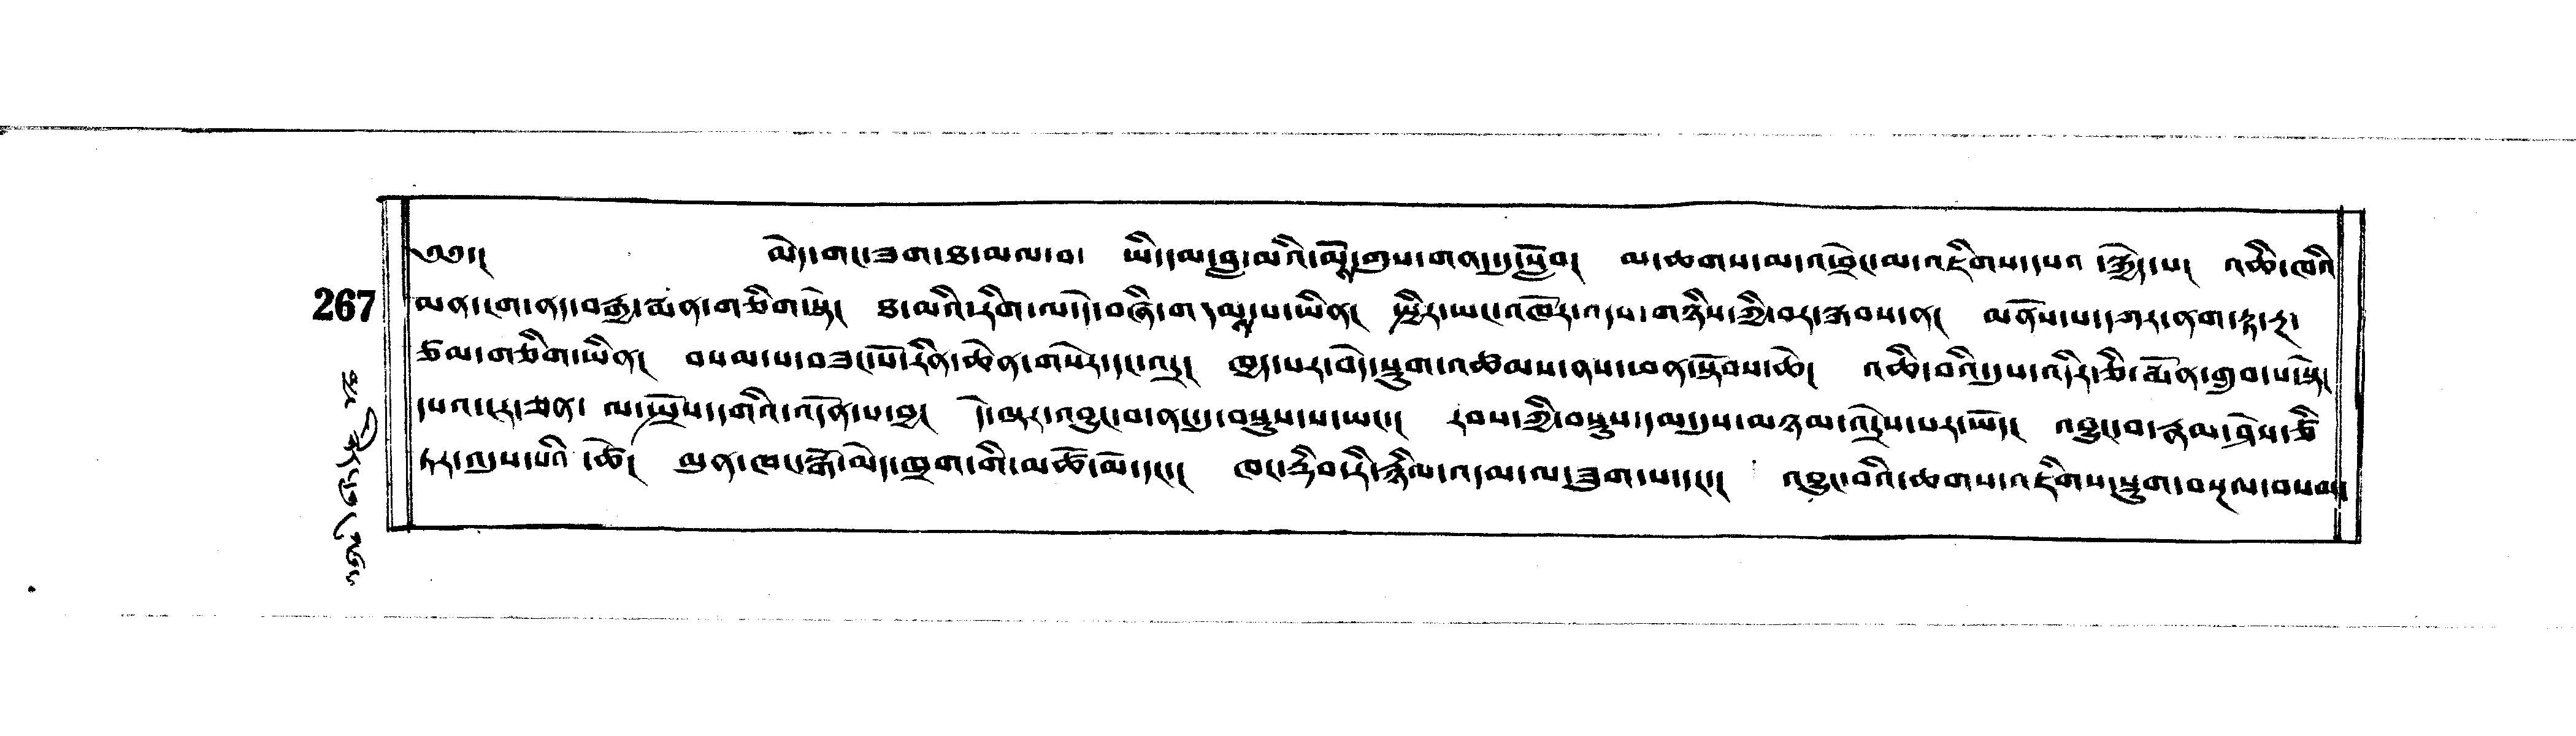མེད་གང་ཟག་ཐ་མལ་བ། ཡི་དམ་བླ་མའི་མོས་གུས་གནད་དུ་སློབ། མ་ཆགས་མ་འཕྲེང་མ་འཇིགས་དཔའ་བསྐྱེད་པ། འཆི་བའི་
མན་ངག་ནད་བརྒྱ་སྨན་གཅིག་སྟེ། ཐ་མའི་རིགས་ལ་དེ་བཞིན་གདམས་པ་ཡིན། སྤྱིར་ཡང་འཁོར་འདས་གཉིས་ཀྱི་བར་སྐབས་ན། མནོས་པ་དཀར་ནག་རྟ་རྔ་
ཙམ་ཞིག་ཡིན། བསམ་པ་བཟང་པོ་རིན་ཆེན་གསེར་དང་འདྲ། ཁྱད་པར་བདེ་སྡུག་མཚམས་ནས་ཕན་སྟོབས་ཆེ། འཆི་བའི་དུས་འདིར་ཅི་སྨོན་གྲུབ་པ་སྟེ། 
དཔའ་ངར་ཅན་ལ་སྤྲོ་དགའི་འདོན་པ་བྱ། དེ་ལྟར་འབྱུང་བ་ནང་དུ་བསྡུས་པ་ཡང་། རབས་ཀྱི་བསྡུས་དམ་དུས་མཉམ་འདྲེས་པར་ཡོད། འབྱུང་བ་རྣམ་ཤེས་ཙི
རྟར་འདུས་པའི་ཚེ། མུན་ཁང་སྒོ་མེད་ཁྲག་གི་མཚོ་མོ་དང་། ཁང་རྡིབ་རི་ཉིལ་འདམ་ལ་ཟུག་པ་དང་། འབྱུང་བའི་ཆགས་འཇིག་སྡུག་བསྔལ་བསམ་